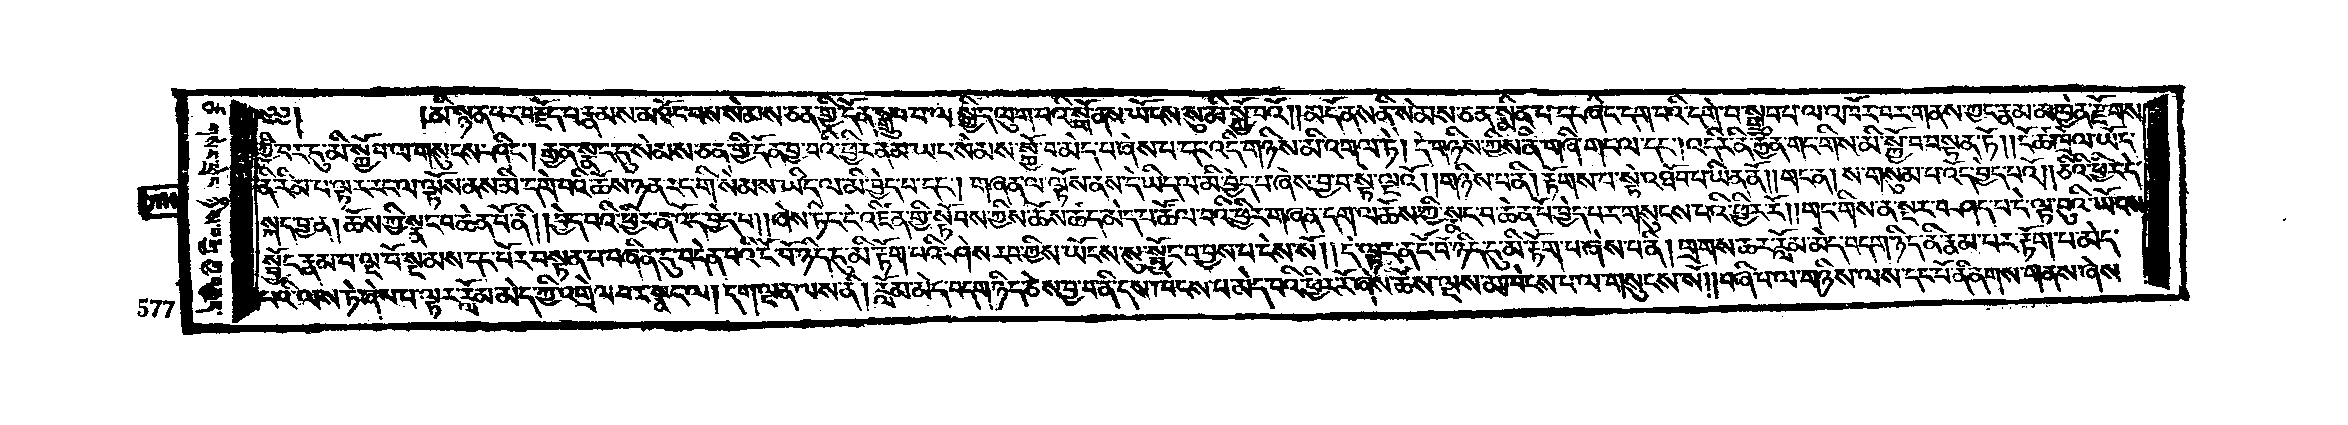༄༅། །མི་སྙན་པར་བརྗོད་པ་རྣམས་མཐོང་བས་སེམས་ཅན་གྱི་དོན་སྒྲུབ་པ་ལ་སྒྱིད་ལུག་པའི་སྒོ་ནས་ཡོངས་སུ་མི་སྐྱོ་བའོ། །མདོ་ནས་མི་སེམས་ཅན་སྨིན་པ་དང་ཞིང་དག་པའི་དགེ་བ་སྒྲུབ་པ་ལ་འཁོར་བར་གནས་ཀྱང་རྣམ་མཁྱེན་རྫོགས་
ཀྱི་བར་དུ་མི་སྐྱོབ་ལ་གསུངས་ཤིང་། རྒྱན་སྣང་དུ་སེམས་ཅན་གྱི་དོན་བྱ་བའི་ཕྱིར་ནམ་ཡང་སེམས་སྐྱོ་བ་མེད་པ་ཞེས་པ་དང་འདི་གཉིས་མི་འགལ་ཏེ། དེ་གཉིས་ཀྱིས་ནི་གཞི་གང་ལ་དང་། འདིར་ནི་རྐྱེན་གང་གིས་མི་སྐྱོ་བ་བསྟན་ཏོ། །ངོ་ཚ་ཁྲེལ་ཡོད་
ནི་རིམ་པ་ལྟར་རང་ལ་ལྟོས་ནས་མི་དགེ་བའི་ཆོས་ཉན་རང་གི་སེམས་ཡིད་ལ་མི་བྱེད་པ་དང་། གཞན་ལ་ལྟོས་ནས་དེ་ཡིད་ལ་མི་བྱེད་པ་ཞེས་བྱ་བ་སྟེ་ལྔའོ། །གཉིས་པ་ནི། རྟོགས་པ་སྟེ་འཐོབ་པ་ཡིན་ནོ། །གང་ན། ས་གསུམ་པ་འོད་བྱེད་པའོ། །ཅིའི་ཕྱིར་དེ་
སྐད་བྱ་ན། ཆོས་ཀྱི་སྣང་བ་ཆེན་པོ་ནི། །བྱེད་པའི་ཕྱིར་ན་འོད་བྱེད་པ། །ཞེས་ཏིང་ངེ་འཛིན་གྱི་སྟོབས་ཀྱིས་ཆོས་ཚད་མེད་པ་ཚོལ་བའི་ཕྱིར་གཞན་དག་ལ་ཆོས་ཀྱི་སྣང་བ་ཆེན་པོ་བྱེད་པར་གསུངས་པའི་ཕྱིར་རོ། །གང་གིས་ན་སྔར་བཤད་པ་དེ་ལྟ་བུའི་ཡོངས་
སྦྱོང་རྣམ་པ་ལྔ་པོ་སྔ་མས་དང་པོར་བསྟན་པ་བཞིན་དུ་བདེན་པའི་ངོ་བོ་ཉིད་དུ་མི་རྟོག་པའི་ཤེས་རབ་ཀྱིས་ཡོངས་སུ་སྦྱོང་བ་བྱས་པ་ངེས་སོ། །དེ་ལྟར་ན་ངོ་བོ་ཉིད་དུ་མི་རྟོག་པ་ཞེས་པ་ནི། གྲགས་ཆར་རློམ་མེད་བདག་ཉིད་ནི་རྣམ་པར་རྟོག་པ་མེད་
པའི་ལས་ཏེ་ཞེས་པ་ལྟར་རློམ་མེད་ཀྱི་འགྲེལ་པར་སྣང་ལ། དག་ལྡན་ལས་ནི། རློམ་མེད་བདག་ཉིད་ཅེས་བྱ་བ་ནི་དེས་ཁེངས་བ་མེད་པའི་ཕྱིར་རོ་ཞེས་ཆོས་ལྔས་མ་ཁེངས་པ་ལ་གསུངས་སོ། །བཞི་པ་ལ་གཉིས་ལས་དང་པོ་ནི་ནགས་གནས་ཞེས་